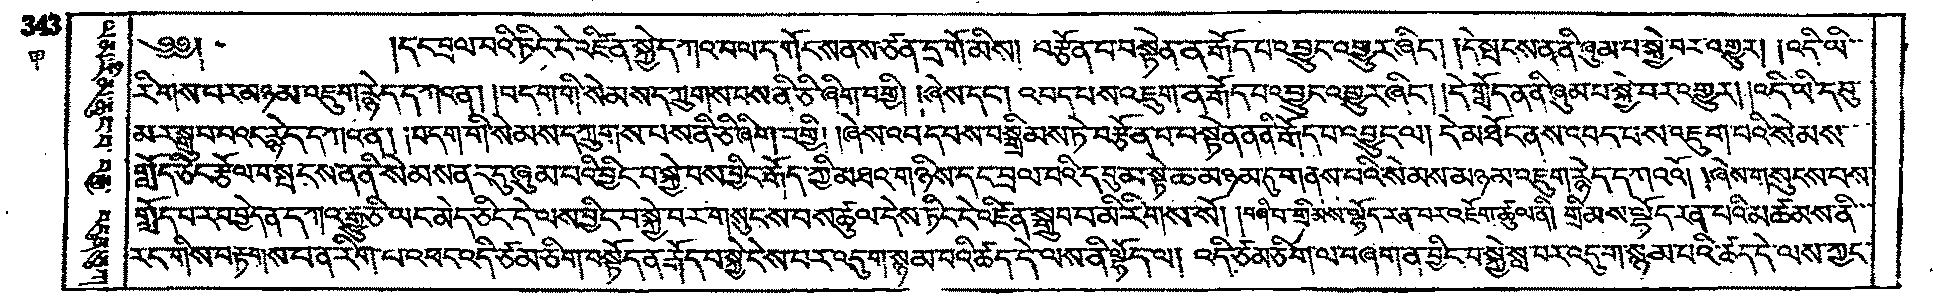༄༅། །དང་བྲལ་བའི་ཏིང་ངེ་འཛིན་སྐྱེ་དཀའ་བ་ལ་དགོངས་ནས་ཙན་དྲ་གོ་མིས། བརྩོན་པ་བསྟེན་ན་རྒོད་པ་འབྱུང་འགྱུར་ཞིང་། །དེ་སྤངས་ན་ནི་ཞུམ་པ་སྐྱེ་བར་འགྱུར། །འདི་ཡི་
རིགས་པར་མཉམ་འཇུག་རྙེད་དཀའ་ན། །བདག་གི་སེམས་དཀྲུགས་པས་ནི་ཅི་ཞིག་བགྱི། །ཞེས་དང་། འབད་པས་འཇུག་ན་རྒོད་པ་འབྱུང་འགྱུར་ཞིང་། །དེ་གློད་ན་ནི་ཞུམ་པ་སྐྱེ་བར་འགྱུར། །འདི་ཡི་དབུ་
མར་སྒྲུབ་པའང་རྙེད་དཀའ་ན། །བདག་གི་སེམས་དཀྲུགས་པས་ནི་ཅི་ཞིག་བགྱི། །ཞེས་འབད་པས་བསྒྲིམས་ཏེ་བརྩོན་པ་བསྟེན་ན་ནི་རྒོད་པ་འབྱུང་ལ། དེ་མཐོང་ནས་འབད་པས་འཇུག་པའི་སེམས་
གློད་ཅིང་རྩོལ་བ་སྤངས་ན་ནི་སེམས་ནང་དུ་ཞུམ་པའི་བྱིང་བ་སྐྱེ་བས་བྱིང་རྒོད་ཀྱི་མཐའ་གཉིས་དང་བྲལ་བའི་དབུ་མ་སྟེ་ཆ་མཉམ་དུ་གནས་པའི་སེམས་མཉམ་འཇུག་རྙེད་དཀའའོ། །ཞེས་གསུངས་པས་
གློད་པ་རབ་བྱེད་ན་དཀའ་རྒྱུ་ཅི་ཡང་མེད་ཅིང་དེ་ལས་བྱིང་བ་སྐྱེ་བར་གསུངས་པས་ཚུལ་དེས་ཏིང་ངེ་འཛིན་སྒྲུབ་པ་མི་རིགས་སོ། །བཞི་པ་གྲིམས་ལྷོད་རན་པར་འཇོག་ཚུལ་ནི།  གྲིམས་ལྷོད་རན་པའི་མཚམས་ནི་
རང་གིས་བརྟགས་པ་ན་རིག་པ་འཕང་འདི་ཙམ་ཅིག་བསྟོད་ན་རྒོད་པ་སྐྱེ་ངེས་པར་འདུག་སྙམ་པའི་ཚད་དེ་ལས་ནི་ལྷོད་ལ། འདི་ཙམ་ཅིག་ལ་བཞག་ན་བྱིང་པ་སྐྱེ་སླ་བར་འདུག་སྙམ་པའི་ཚད་དེ་ལས་ཀྱང་